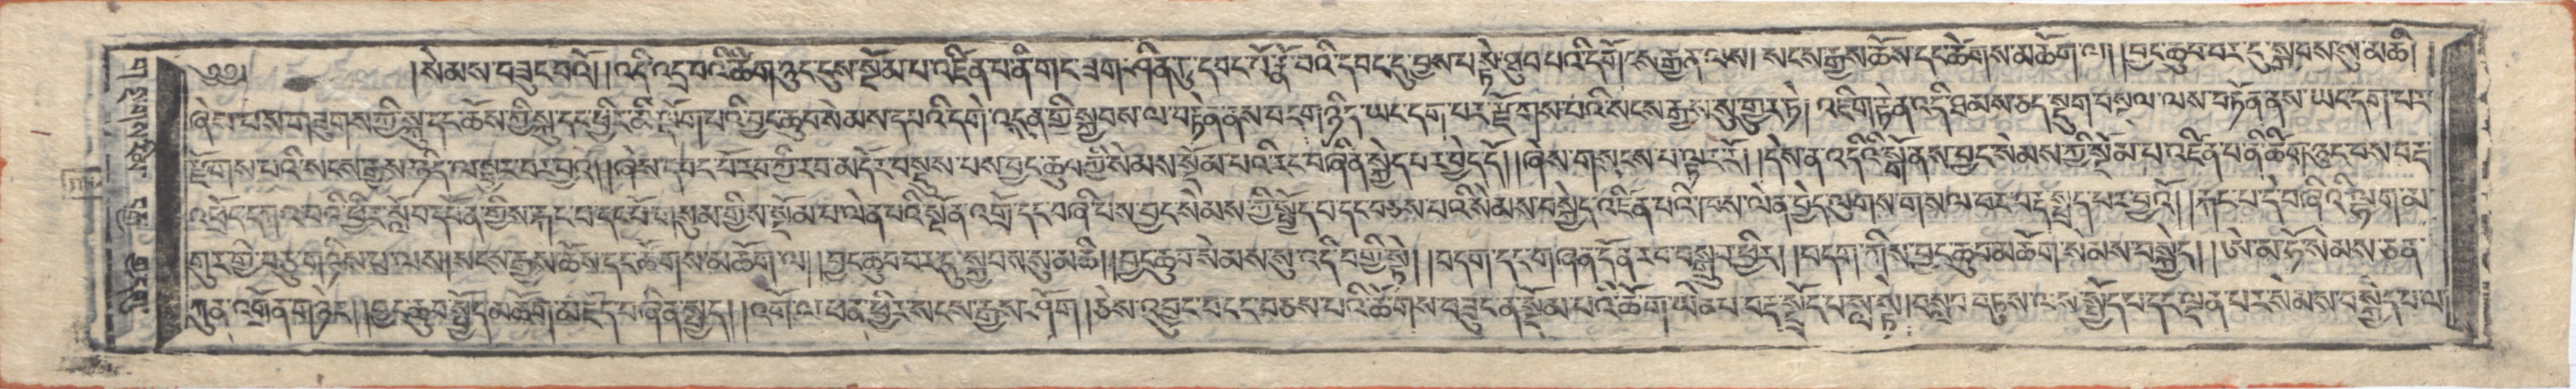༄༅། །སེམས་བཟུང་བའོ། །འདི་འདྲ་བའི་ཚིག་ཉུང་དུས་སྡོམ་པ་འཛིན་པ་ནི་གང་ཟག་ཤིན་ཏུ་དབང་པོ་རྣོ་བའི་དབང་དུ་བྱས་པ་སྟེ་ཐུབ་པའི་དགོངས་རྒྱན་ལས། སངས་རྒྱས་ཆོས་དང་ཚོགས་མཆོག་ལ། །བྱང་ཆུབ་བར་དུ་སྐྱབས་སུ་མཆི། ། ཞེས་པས་གཟུགས་ཀྱི་སྐུ་དང་ཆོས་ཀྱི་སྐུ་དང་ཕྱིར་མི་ལྡོག་པའི་བྱང་ཆུབ་སེམས་དཔའི་དགེ་འདུན་གྱི་སྐྱབས་ལ་བརྟེན་ནས་བདག་ཉིད་ཡང་དག་པར་རྫོགས་པའི་སངས་རྒྱས་སུ་གྱུར་ཏེ། འཇིག་རྟེན་འདི་ཐམས་ཅད་སྡུག་བསྔལ་ལས་བཏོན་ནས་ཡང་དག་པར་
རྫོགས་པའི་སངས་རྒྱས་ཉིད་ལ་སྦྱར་བར་བྱའོ། །ཞེས་དབང་པོ་རབ་ཀྱི་རབ་མདོར་བསྡུས་པས་བྱང་ཆུབ་ཀྱི་སེམས་སྡོམ་པའི་རང་བཞིན་སྐྱེད་པར་བྱེད་དོ། །ཞེས་གསུངས་པ་ལྟར་རོ། །དེས་ན་འདིའི་སྒོ་ནས་བྱང་སེམས་ཀྱི་སྡོམ་པ་འཛིན་པ་ནི་ཚིག་ཉུང་བས་བརྡ་
འཕྲོད་དཀའ་བའི་ཕྱིར་སློབ་དཔོན་གྱིས་རྐང་པ་དང་པོ་གསུམ་གྱིས་སྡོམ་པ་ལེན་པའི་སྔོན་འགྲོ་དང་བཞི་པས་བྱང་སེམས་ཀྱི་སྤྱོད་པ་དང་བཅས་པའི་སེམས་བསྐྱེད་འཛིན་པའི་ཁས་ལེན་བྱེད་ལུགས་གསལ་བར་བརྡ་སྤྲད་པར་བྱའོ། །རྐང་པ་དེ་བཞིའི་ལྷག་མ་
གུར་གྱི་བཅུ་གཉིས་པ་ལས། སངས་རྒྱས་ཆོས་དང་ཚོགས་མཆོག་ལ། །བྱང་ཆུབ་བར་དུ་སྐྱབས་སུ་མཆི། །བྱང་ཆུབ་སེམས་སུ་འདི་བགྱི་སྟེ། །བདག་དང་གཞན་དོན་རབ་བསྒྲུབ་ཕྱིར། །བདག་གིས་བྱང་ཆུབ་མཆོག་སེམས་བསྐྱེད། །ཨེ་མ་ཧོ་སེམས་ཅན་
ཀུན་འགྲོན་གཉེར། །བྱང་ཆུབ་སྤྱོད་མཆོག་མཛད་བཞིན་སྤྱད། །འགྲོ་ལ་ཕན་ཕྱིར་སངས་རྒྱས་ཤོག །ཅེས་འབྱུང་བ་དང་བཅས་པའི་ཆོ་གས་བཟུང་ན་སྡོམ་པའི་ཆོ་ག་ཡིན་པ་བརྡ་སྤྲོད་པ་སླ་སྟེ། བསླབ་བཏུས་ལས་སྤྱོད་པ་དང་ལྡན་པར་སེམས་བསྐྱེད་པ་ལ་